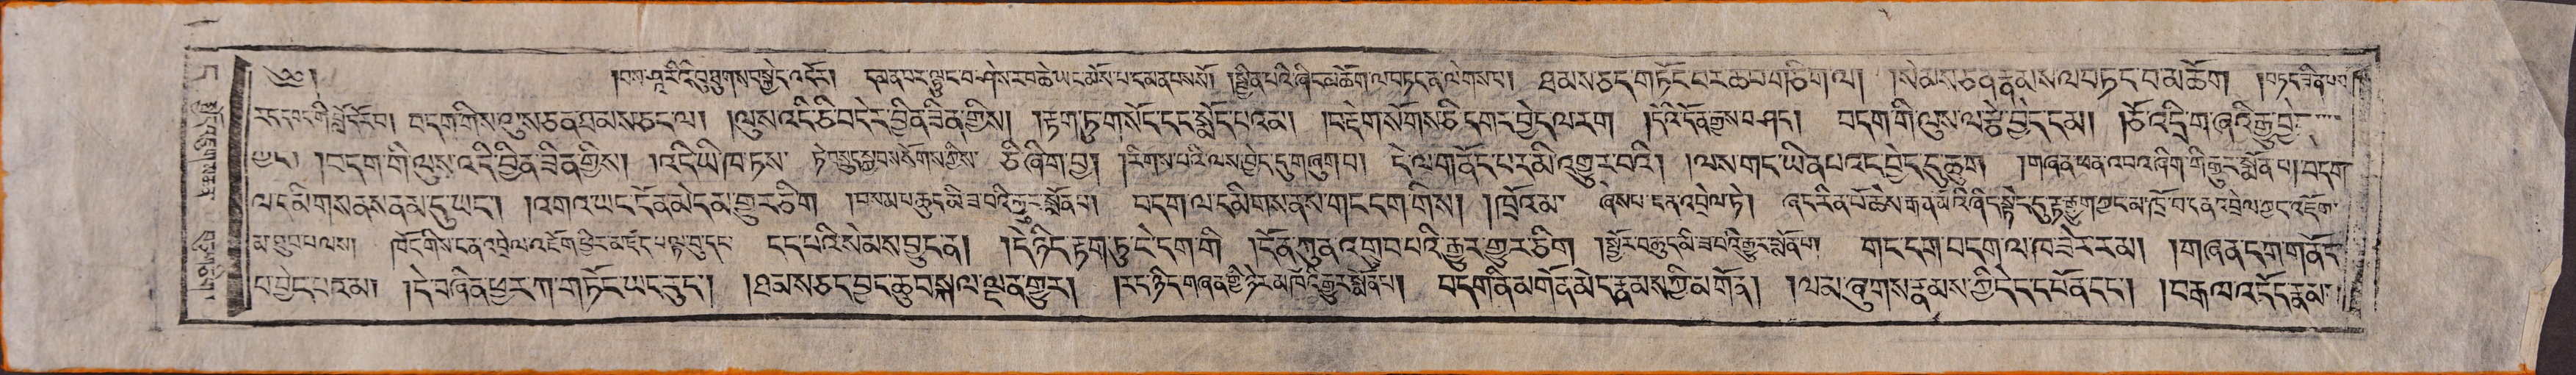༄༅། །བས་ཤཱ་རིའི་བུས་ཐུགས་བསྐྱེད་དོར། དམན་པར་ལྟུང་བཤེས་རབ་ཆེ་ཡང་མོས་པ་དམན་པས་སོ། །སྦྱིན་པའི་ཞིང་མཆོག་ལ་བཏང་ན་ལེགས་པ།  ཐམས་ཅད་གཏོང་བར་ཆབ་གཅིག་ལ། །སེམས་ཅན་རྣམས་ལ་བཏང་བ་མཆོག་བཏང་ཟིན་པས་
རང་དབང་གི་བློ་དོར་བ་བདག་གིས་ལུས་ཅན་ཐམས་ཅད་ལ། །ལུས་འདི་ཅི་བདེར་བྱིན་ཟིན་གྱིས། །རྟག་ཏུ་གསོད་དང་སྨོད་པའམ། །བརྡེག་སོགས་ཅི་དགར་བྱེད་ལ་རག །དེའི་དོན་རྒྱས་བཤད། བདག་གི་ལུས་ལ་རྩེ་བྱེད་དམ། །ཅོ་འདྲི་གཞིའི་རྒྱུ་བྱེད་
ཀྱང་། །བདག་གི་ལུས་འདི་བྱིན་ཟིན་གྱིས། །འདི་ཡི་ཁ་ཏས་ཏེ་བསྲུང་སྐྱབས་སོགས་ཀྱིས་ཅི་ཞིག་བྱ། །རིགས་པའི་ལས་བྱེད་དུ་གཞུག་པ།  དེ་ལ་གནོད་པར་མི་འགྱུར་པའི། །ལས་གང་ཡིན་པའང་བྱེད་དུ་ཆུག་།གཞན་ཕན་འབའ་ཞིག་གི་རྒྱུར་སྨོན་པ།  བདག་
ལ་དམིགས་ནས་ནམ་དུ་ཡང་། །འགའ་ཡང་དོན་མེད་མ་གྱུར་ཅིག་།བསམ་པ་ཆུད་མི་ཟ་བའི་རྒྱུར་སྨོན་པ།  བདག་ལ་དམིགས་ནས་གང་དག་གིས། །ཁྲོའམ་ཞེས་པ་ནང་འབྲེལ་ཏེ། ཞིང་རིན་པོ་ཆེས་རྒན་མོའི་ཞིང་སྟེང་དུ་རྟ་རྒྱུད་ཀྱང་མ་ཁྲོ་བ་ངན་འབྲེལ་ཀྱང་འཛས་
མ་ཐུབ་པ་ལས། ཁོང་གིས་ངན་འབྲེལ་འཇོག་ཕྱིར་མཛད་པ་ལྟ་བུ་དང་དད་པའི་སེམས་བྱུང་ན། །དེ་ཉིད་རྟག་ཏུ་དེ་དག་གི །དོན་ཀུན་འགྲུབ་པའི་རྒྱུར་གྱུར་ཅིག་།སྦྱོར་བ་ཆུད་མི་ཟ་བའི་རྒྱུར་སྨོན་པ།  གང་དག་བདག་ལ་ཁ་ཟེར་རམ། །གཞན་དག་གནོད་
པ་བྱེད་པའམ། །དེ་བཞིན་ཕྱིར་ཀ་གཏོང་ཡང་རུང་། །ཐམས་ཅད་བྱང་ཆུབ་སྐལ་ལྡན་གྱུར། །རང་ཉིད་གཞན་གྱི་ཉེར་མཁོའི་རྒྱུར་སྨོན་པ།  བདག་ནི་མགོན་མེད་རྣམས་ཀྱི་མགོན། །ལམ་ཞུགས་རྣམས་ཀྱི་དེད་དཔོན་དང་། །བརྒལ་འདོད་རྣམས་